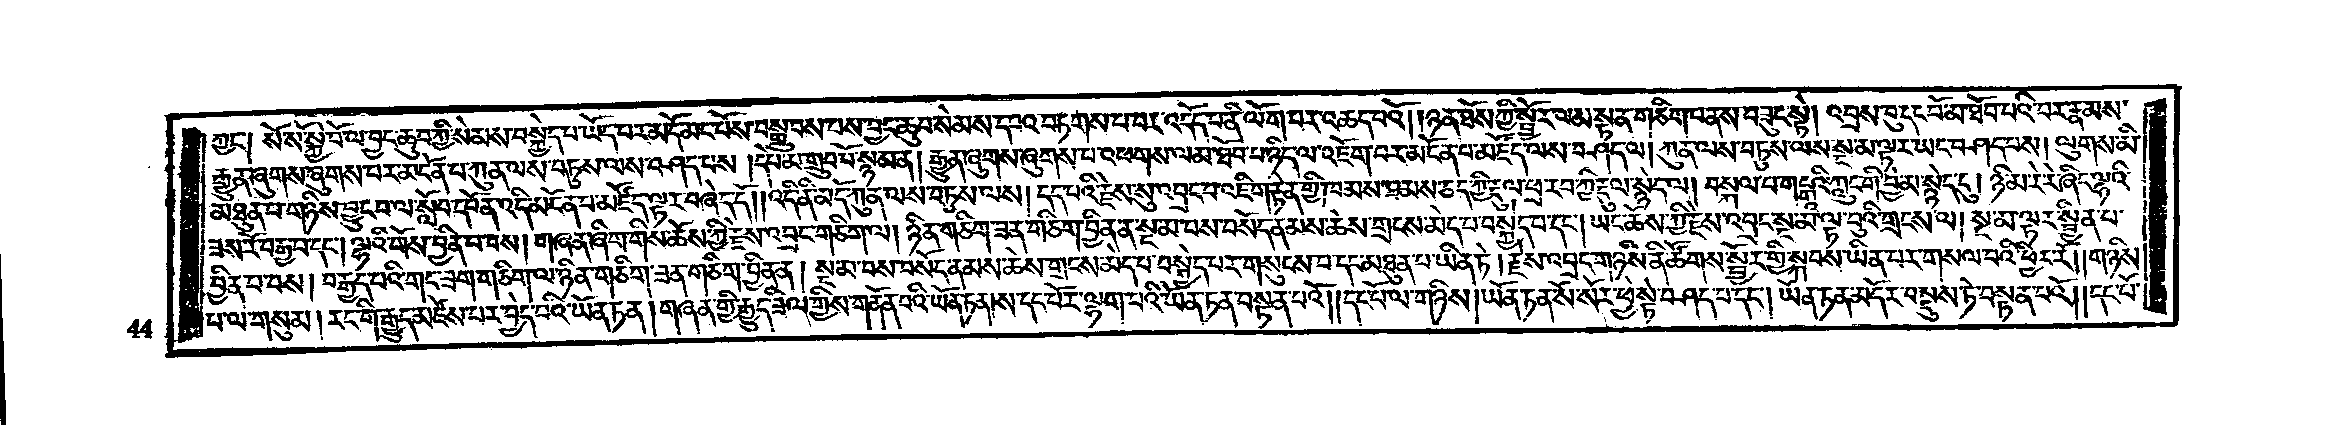ཀྱང་། སོ་སོ་སྐྱེ་བོ་ལ་བྱང་ཆུབ་ཀྱི་སེམས་བསྐྱེད་པ་ཡོད་པར་མདོ་མང་པོས་བསྒྲུབས་པས་བྱང་ཆུབ་སེམས་དཔའ་བཏགས་པ་བར་འདོད་པ་ནི་ལོག་པར་འཆད་པའོ། །ཉན་ཐོས་ཀྱི་སྦྱོར་ལམ་སྟན་གཅིག་པ་ནས་བཟུང་སྟེ། འབྲས་བུ་དང་པོ་མ་ཐོབ་པའི་བར་རྣམས་
རྒྱུན་ཞུགས་ཞུགས་པར་མངོན་པ་ཀུན་ལས་བཏུས་ལས་བཤད་པས་།དཔེ་མ་གྲུབ་བོ་སྙམ་ན། རྒྱུན་ཞུགས་ཞུགས་པ་འཕགས་ལམ་ཐོབ་པ་ཉིད་ལ་འཇོག་པར་མངོན་པ་མཛོད་ལས་བཤད་ལ། ཀུན་ལས་བཏུས་ལས་སྔ་མ་ལྟར་ཡང་བཤད་པས། ལུགས་མི་
མཐུན་པ་གཉིས་བྱུང་བ་ལ་སློབ་དཔོན་འདི་མངོན་པ་མཛོད་ལྟར་བཞེད་དོ། །འདི་ནི་མདོ་ཀུན་ལས་བཏུས་ལས། དད་པའི་རྗེས་སུ་འབྲང་བ་འཇིག་རྟེན་གྱི་ཁམས་ཐམས་ཅད་ཀྱི་རྡུལ་ཕྲ་རབ་ཀྱི་རྡུལ་སྙེད་ལ། བསྐལ་པ་གངྒཱའི་ཀླུང་གི་བྱེ་མ་སྙེད་དུ། ཉི་མ་རེ་རེ་ཞིང་ལྷའི་
ཟས་རོ་བརྒྱ་བ་དང་། ལྷའི་གོས་བྱིན་པ་བས། གཞན་ཞིག་གིས་ཆོས་ཀྱི་རྗེས་འབྲང་གཅིག་ལ། ཉིན་གཅིག་ཟན་གཅིག་བྱིན་ན་སྔ་མ་བས་བསོད་ནམས་ཆེས་གྲངས་མེད་པ་བསྐྱེད་པ་དང་། ཡང་ཆོས་ཀྱི་རྗེས་འབྲང་སྔ་མ་ལྟ་བུའི་གྲངས་ལ། སྔ་མ་ལྟར་སྦྱིན་པ་
བྱིན་པ་བས། བརྒྱད་པའི་གང་ཟག་གཅིག་ལ་ཉིན་གཅིག་ཟན་གཅིག་བྱིན་ན། སྔ་མ་བས་བསོད་ནམས་ཆེས་གྲངས་མེད་པ་བསྐྱེད་པར་གསུངས་པ་དང་མཐུན་པ་ཡིན་ཏེ། རྗེས་འབྲང་གཉིས་ནི་ཚོགས་སྦྱོར་གྱི་སྐབས་ཡིན་པར་གསལ་བའི་ཕྱིར་རོ། །གཉིས་
པ་ལ་གསུམ། རང་གི་རྒྱུད་མཛེས་པར་བྱེད་པའི་ཡོན་ཏན། གཞན་གྱི་རྒྱུད་ཟིལ་གྱིས་གནོན་པའི་ཡོན་ཏན། ས་དང་པོར་ལྷག་པའི་ཡོན་ཏན་བསྟན་པའོ། །དང་པོ་ལ་གཉིས། ཡོན་ཏན་སོ་སོར་ཕྱེ་སྟེ་བཤད་པ་དང་། ཡོན་ཏན་མདོར་བསྡུས་ཏེ་བསྟན་པའོ། །དང་པོ་